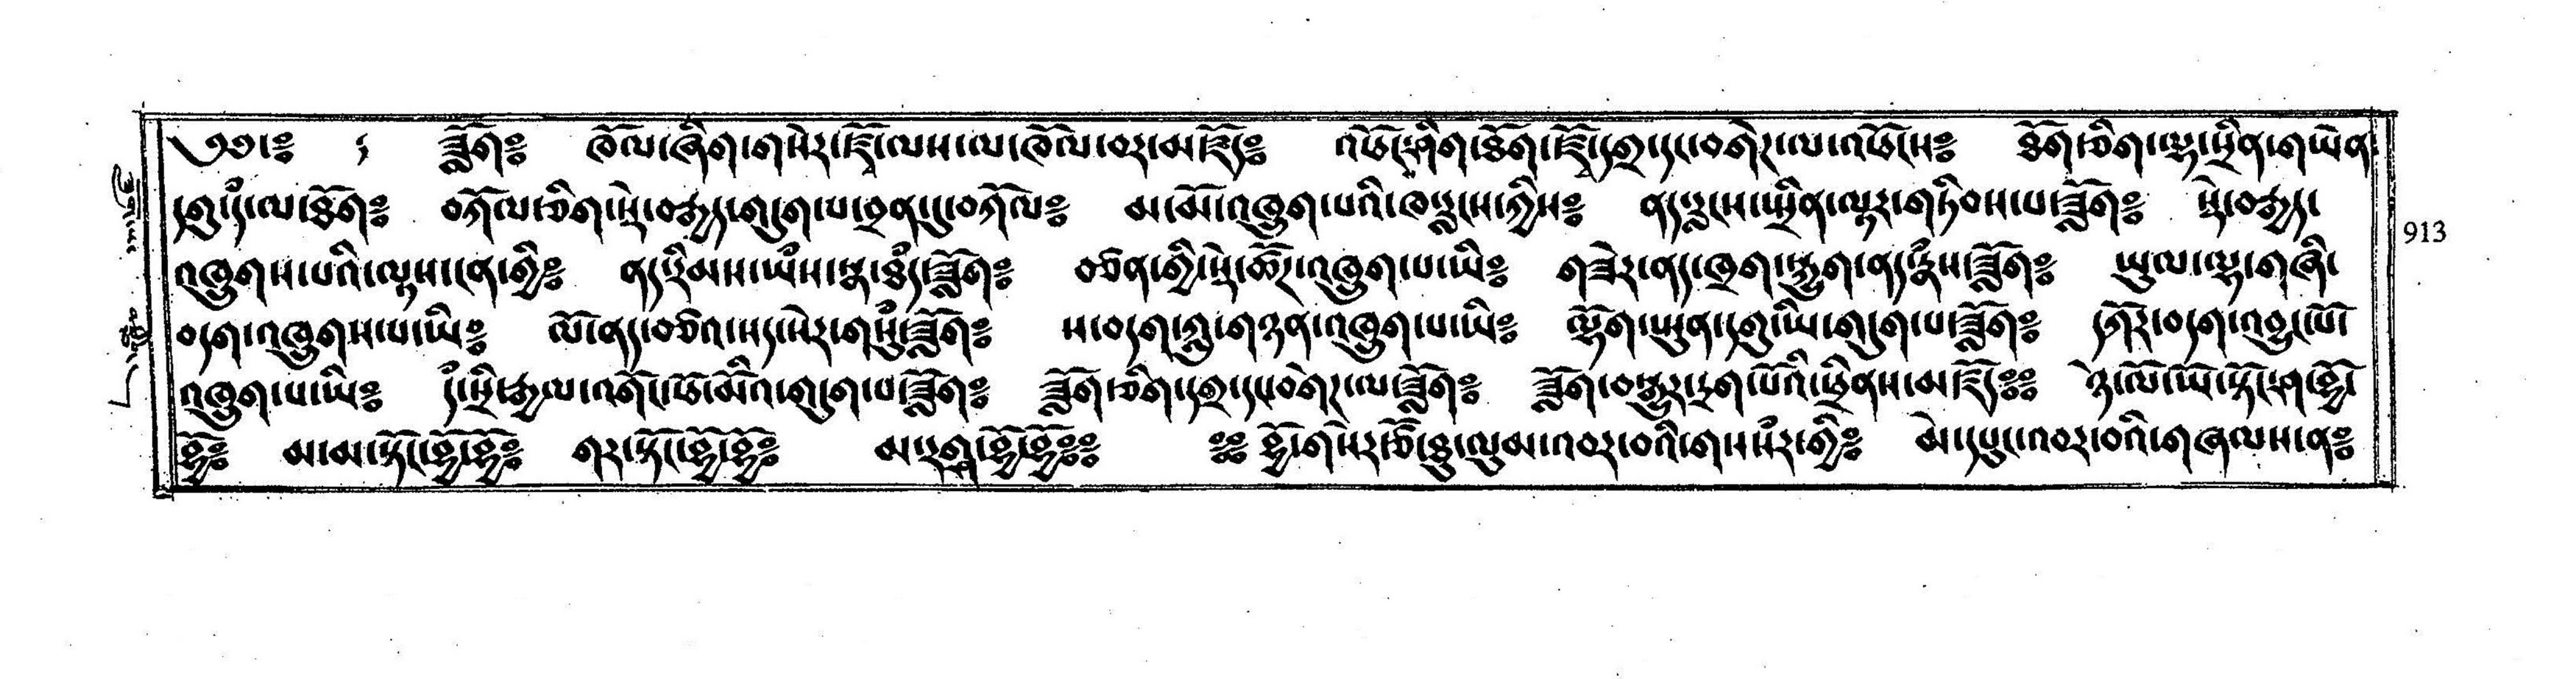ཟློག༔ ཁོལ་ཞིག་གསེར་ཛྭོ་ལས་ལ་ཁོལ་བར་མཛོད༔ འཕོངས་ཤིག་ཐོག་ཛྭོ་དགྲ་དང་བགེགས་ལ་འཕོངས༔ ཐོག་ཅིག་ལྷ་སྲིན་གཡོན་
དགུ་དམ་ལ་ཐོག༔ བཀོལ་ཅིག་སྡེ་བརྒྱད་གདུག་པ་བྲན་དུ་བཀོལ༔ མ་མོ་འཁྲུག་པའི་ཁ་རླངས་ཀྱིས༔ ནད་རླངས་སྤྲིན་ལྟར་གཏིབས་པ་ཟློག༔ སྡེ་བརྒྱད་
འཁྲུགས་པའི་ལྟས་ངན་གྱི༔ ནད་རིམས་ཡམས་སྣ་ཐམས་ཅད་ཟློག༔ བཙན་གྱི་སྡེ་ཚོགས་འཁྲུག་པ་ཡི༔ གཟེར་ནད་ཁྲག་སྐྱུག་ནད་རྣམས་ཟློག༔ ཡུལ་ལྷ་གཞི་
བདག་འཁྲུགས་པ་ཡི༔ ལོ་ནད་བཙའ་སད་སེར་གསུམ་ཟློག༔ ས་བདག་ཀླུ་གཉན་འཁྲུག་པ་ཡི༔ ལྷོག་ཡུན་དགུ་ཡི་གདུག་པ་ཟློག༔ དཀར་པོ་བདག་འབྱུང་པོ་
འཁྲུག་པ་ཡི༔ དམ་སྲི་རྒྱལ་འགོང་ཕོ་མོའི་གདུག་པ་ཟློག༔ ཟློག་ཅིག་དགྲ་དང་བགེགས་ལ་ཟློག༔ ཟློག་བསྒྱུར་དྲག་པོའི་ཕྲིན་ལས་མཛོད༔༔ ཉེ་ལོ་ཡོ་སྟོང་ཤ་བྷྱོ་
བྷྱོ༔ མ་མ་སྟོང་བྷྱོ་བྷྱོ༔ གར་སྟོང་བྷྱོ་བྷྱོ༔ མ་རགྴ་བྷྱོ་བྷྱོ༔༔ ༔༔བྷྱོ་གསེར་ཙོ་ཐུ་ལུམ་འབར་བའི་གསས་མཁར་གྱི༔ མེ་དཔུང་འབར་བའི་གཞལ་ཡས་ན༔